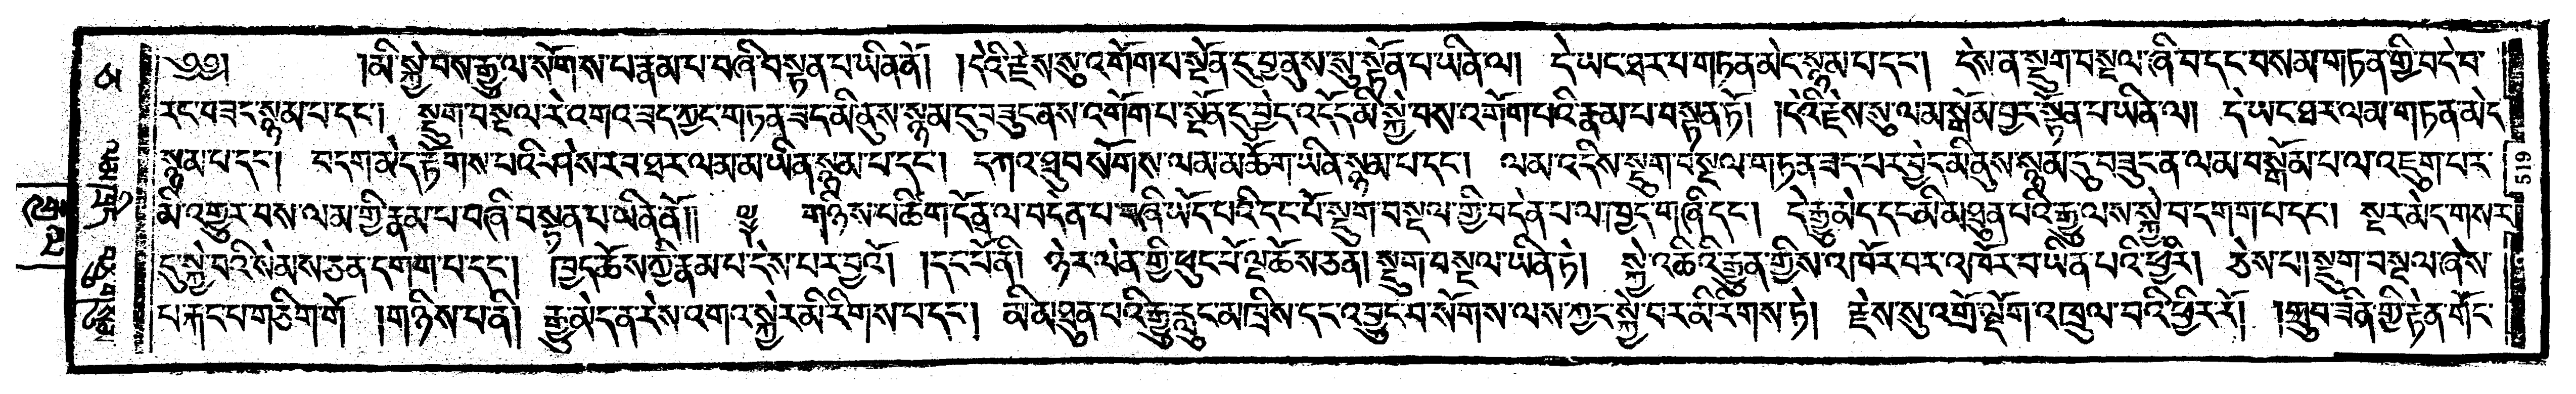༄༅། །མི་སྐྱེ་བས་རྒྱུ་ལ་སོགས་པ་རྣམ་པ་བཞི་བསྟན་པ་ཡིན་ནོ། །དེའི་རྗེས་སུ་འགོག་པ་སྔོན་དུ་བྱ་ནུས་སུ་སྟོན་པ་ཡིན་ལ། དེ་ཡང་ཐར་པ་གཏན་མེད་སྙམ་པ་དང་། དེས་ན་སྡུག་བསྔལ་ཞི་བ་དང་བསམ་གཏན་གྱི་བདེ་བ་
རང་བཟང་སྙམ་པ་དང་། སྡུག་བསྔལ་རེ་འགའ་ཟད་ཀྱང་གཏན་ཟད་མི་ནུས་སྙམ་དུ་བཟུང་ནས་འགོག་པ་སྔོན་དུ་བྱེད་འདོད་མི་སྐྱེ་བས་འགོག་པའི་རྣམ་པ་བསྟན་ཏོ། །དེའི་རྗེས་སུ་ལམ་སྒོམ་བྱར་སྟོན་པ་ཡིན་ལ། དེ་ཡང་ཐར་ལམ་གཏན་མེད་
སྙམ་པ་དང་། བདག་མེད་རྟོགས་པའི་ཤེས་རབ་ཐར་ལམ་མ་ཡིན་སྙམ་པ་དང་། དཀའ་ཐུབ་སོགས་ལམ་མཆོག་ཡིན་སྙམ་པ་དང་། ལམ་འདིས་སྡུག་བསྔལ་གཏན་ཟད་པར་བྱེད་མི་ནུས་སྙམ་དུ་བཟུང་ན་ལམ་བསྒོམ་པ་ལ་འཇུག་པར་
མི་འགྱུར་བས་ལམ་གྱི་རྣམ་པ་བཞི་བསྟན་པ་ཡིན་ནོ།། ༈ གཉིས་པ་ཚིག་དོན་ལ་བདེན་པ་བཞི་ཡོད་པའི་དང་པོ་སྡུག་བསྔལ་གྱི་བདེན་པ་ལ་ཁྱད་གཞི་དང་། དེ་རྒྱུ་མེད་དང་མི་མཐུན་པའི་རྒྱུ་ལས་སྐྱེ་བ་དགག་པ་དང་། སྔར་མེད་གསར་
དུ་སྐྱེ་བའི་སེམས་ཅན་དགག་པ་དང་། ཁྱད་ཆོས་ཀྱི་རྣམ་པ་ངེས་པར་བྱའོ། །དང་པོ་ནི། ཉེར་ལེན་གྱི་ཕུང་པོ་ལྔ་ཆོས་ཅན། སྡུག་བསྔལ་ཡིན་ཏེ། སྐྱེ་འཆིའི་རྒྱུན་གྱིས་འཁོར་བར་འཁོར་བ་ཡིན་པའི་ཕྱིར། ཅེས་པ། སྡུག་བསྔལ་ཞེས་
པ་རྐང་པ་གཅིག་གོ །གཉིས་པ་ནི། རྒྱུ་མེད་ན་རེས་འགའ་སྐྱེར་མི་རིགས་པ་དང་། མི་མཐུན་པའི་རྒྱུ་རླུང་མཁྲིས་དང་འབྱུང་བ་སོགས་ལས་ཀྱང་སྐྱེ་བར་མི་རིགས་ཏེ། རྗེས་སུ་འགྲོ་ལྡོག་འཁྲུལ་བའི་ཕྱིར་རོ། །གྲུབ་ཟིན་གྱི་རྟེན་གོང་